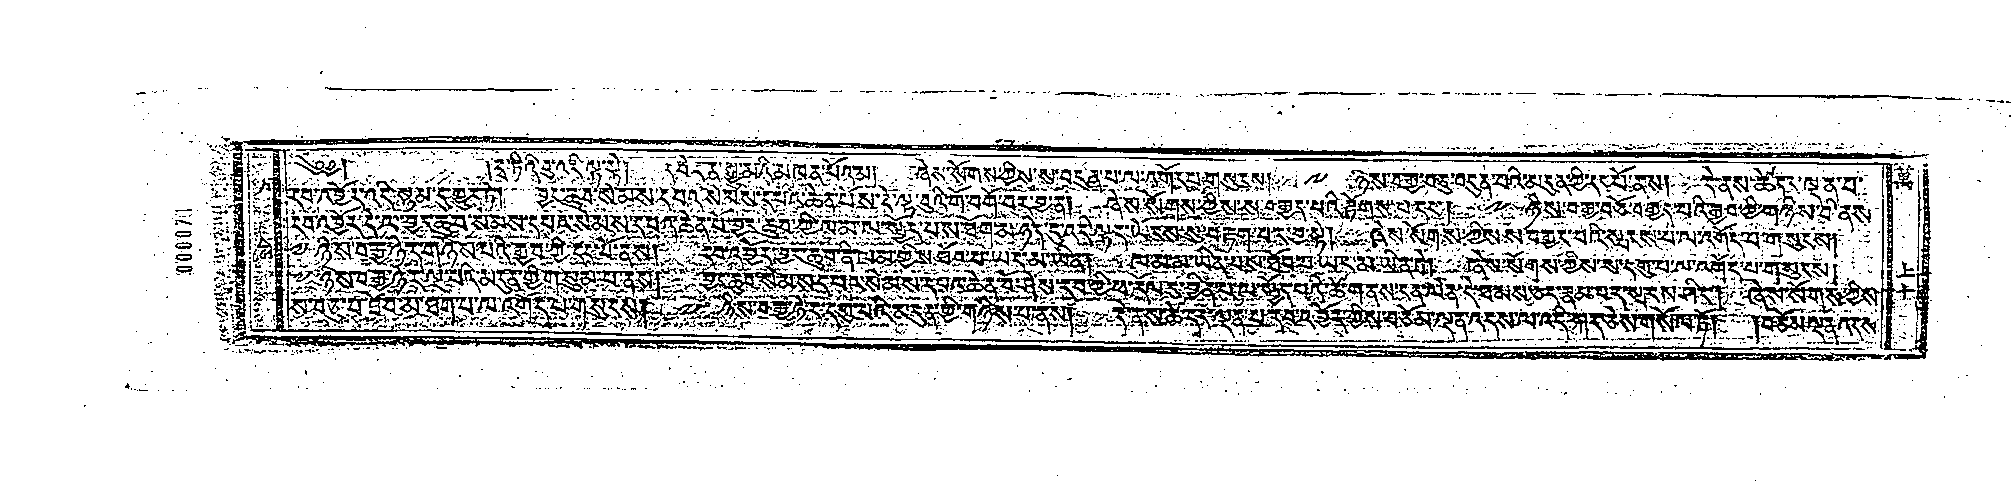༄༅། །?  ?་བུ་དང་ལྟ་སྟ། དཔེར་ན་སྒྱུ་མའི་མཁན་པོའམ། ཞེས་སོགས་ཀྱིས་ས་བདུན་པ་ལ་འགོད་པ་གསུངས། ༧་ཉིས་བརྒྱ་བཅུ་བདུན་པའི་མདུན་གྱི་དང་པོ་ནས། དེ་ནས་ཚེ་དང་ལྡན་པ་
རབ་འབྱོར་འདི་སྙམ་དུ་གྱུར་ཏེ། བྱང་ཆུབ་སེམས་དཔའ་ཆེན་པོས་དེ་ལྟ་བུའི་གོ་བགོ་བར་བྱ་ན། ཞེས་སོགས་ཀྱིས་ས་བརྒྱད་པའི་རྟོགས་པ་དང་། ༧་ཉིས་བརྒྱ་བཅོ་བརྒྱད་པའི་རྒྱབ་ཀྱི་གཉིས་པ་ནས་
རབ་འབྱོར་དེ་ལ་བྱང་ཆུབ་སེམས་དཔའ་སེམས་དཔའ་ཆེན་པོ་བྱང་ཆུབ་ཀྱི་ལམ་ལ་སྤྱོད་པས་ཐོག་མ་ཉིད་དུ་འདི་ལྟར་ཡོངས་སུ་བརྟག་པར་བྱ་སྟེ། ཞེས་སོགས་ཀྱིས་ས་བརྒྱད་པའི་སྤངས་པ་ལ་འགོད་པ་གསུངས།
༧་ཉིད་བརྒྱ་ཉེར་གཉིས་པའི་རྒྱབ་ཀྱི་དང་པོ་ནས། རབ་འབྱོར་བྱང་ཆུབ་ནི་ལམ་གྱིས་ཐོབ་པ་ཡང་མ་ཡིན། ལམ་མ་ཡིན་པས་ཐོབ་པ་ཡང་མ་ཡིན་ཏེ། ཞེས་སོགས་ཀྱིས་ས་དགུ་པ་ལ་འགོད་པ་གསུངས།
༧་ཉིས་བརྒྱ་ཉེར་ལྔ་པའི་མདུན་གྱི་གསུམ་པ་ནས། བྱང་ཆུབ་སེམས་དཔའ་སེམས་དཔའ་ཆེན་པོ་ཤེས་རབ་ཀྱི་ཕ་རོལ་དུ་ཕྱིན་པ་ལ་སྤྱོད་པའི་ཚེ་གནས་ངན་ལེན་དེ་ཐམས་ཅད་རྣམ་པར་སྤངས་ཤིང་། ཞེས་སོགས་ཀྱིས་
ས་བཅུ་པ་ཐོབ་མ་ཐག་པ་ལ་འགོད་པ་གསུངས། ༧་ཉིས་བརྒྱ་ཉེར་དགུ་པའི་མདུན་གྱི་གཉིས་པ་ནས། དེ་ནས་ཚེ་དང་ལྡན་པ་རབ་འབྱོར་གྱིས་བཅོམ་ལྡན་འདས་ལ་འདི་སྐད་ཅེས་གསོལ་ཏོ། །བཅོམ་ལྡན་འདས་